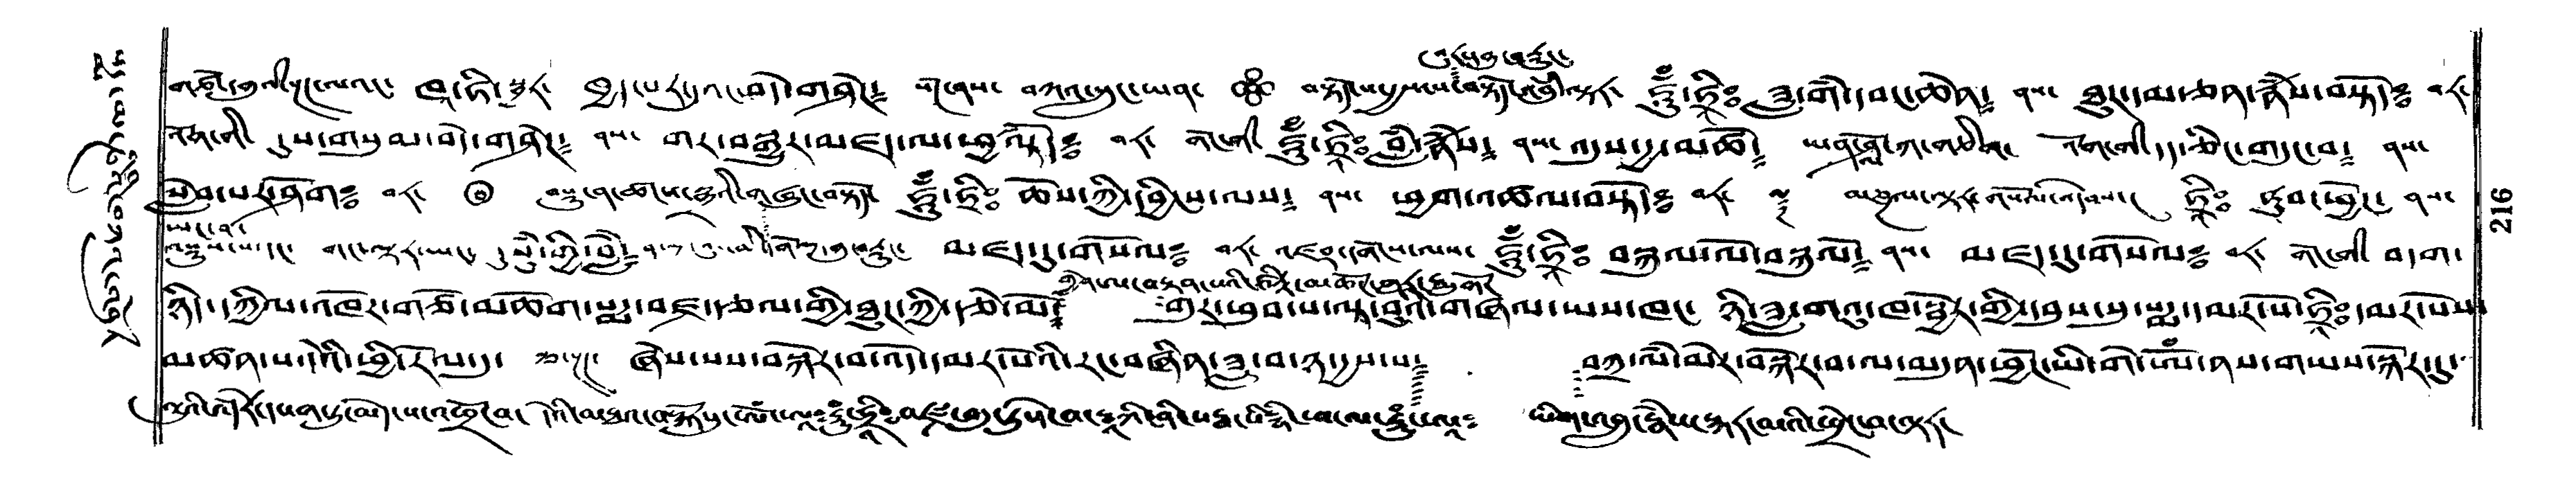གཙོ་དགུའི་སྔགས་ལའང་། ཁཱ་ཧི༔ སྦྱར། ཁྱད་པར་དུའང་བདེ་གཤེགས༴ སོགས་ནས། བཀའ་སྲུང་ཡན། བསྟོད་པ་རྒྱས་པ་བསྟོད་འབུམ་ལྟར། ཧཱུྃ་ཧྲཱི༔ ཟླ་གམ་དབང་ཆེན༴ ནས། ཐུགས་དམ་ཅན་རྣམས་བསྟོད༔ བར། 
འོག་གི དུས་གསུམ་བདེ་ཤེགས༴ ནས། གར་སྒྱུར་མཛད་ལ་ཕྱག་འཚལ་བསྟོད༔ བར། གོང་གི ཧཱུྃ་ཧྲཱི༔ བླ་མ་རྣམས༴ ནས། འདུས་རྒྱ་མཚོ༴ ཡན་ཤླཽ་ཀ་གཅིག འོག་གི་དད་ཅིང་གདུང་བ༴ ནས། 
སློབ་པར་ཤོག༔ བར། བསྡུ་ན་ཚངས་སྒྲའི་གཞུང་བསྟོད། ཧཱུྃ་ཧྲཱི༔ ཆོས་ཀྱི་དབྱིངས་ལས༴ ནས། ཕྱག་འཚལ་བསྟོད༔ བར། མཎྜལ་ལྟར་གསོལ་འདེབས། ཧྲཱི༔ ནུབ་ཕྱོགས༴ ནས། 
བསྡུས་པ་དང་། གང་ལྟར་ཡང་། དུས་གསུམ་གྱི་བླ་མ༴ ནས། མཛད་དུ་གསོལ༔ བར། འཇབ་དགོངས་ལས། ཧཱུྃ་ཧྲཱིཿ སྐུལ་ལོ་སྐུལ་ལོ༴ ནས། མཛད་དུ་གསོལ། བར། གོང་གི བདག་
ཉིད་དཀྱིལ་འཁོར་གྱི་གཙོ་མཆོག་པདྨ་བཛྲ་རྩལ་གྱི་ཐུགས་ཀྱི་རྩེ་མོ་གྱེན་ལ་བསྟན་པའི་ཙིཏྟ་མཆོང་གུར་རྨུག་པོ་གུར་ཕུབ་པ་ལྟ་བུའི་གཞལ་ཡས་ཁང་གི་ནང་། ཉི་ཟླའི་གའུ་ཁ་སྦྱོར་གྱི་དབུས་སུ་པདྨ་དམར་པོ་ཧྲཱིཿདམར་པོས་
མཚན་པ་དེའི་ཕྱི་རོལ་དུ། ཨོཾ་ཨཱཿཧཱུྃ་ཧྲཱིཿབཛྲ་གུ་རུ་དེ་བ་ཝཱིཀི་ནི་སརྦ་སིདྡྷི་ཕ་ལ་ཧཱུྃ་ཨཱཿ ཞེས་པས་བསྐོར་བ་འོད་དམར་པོའི་རང་བཞིན་ཟླ་བ་ཉ་རྒྱས་པ་བཀྲ་ལམ་མེར་བསྐོར་བ་ལ་མདུན་ཕྱོགས་ཡི་གེ་ཨོཾ་ནས་གཡས་སྐོར་དུ་
ལྟ་བུའི་འོད་ཟེར་དཔག་ཏུ་མེད་པ་འཕྲོ་བ། དེའི་མཐའ་བསྐོར་དུ་ཡིག་འབྲུ་རྣམས་སྐར་མའི་ཕྲེང་བ་ལྟར་